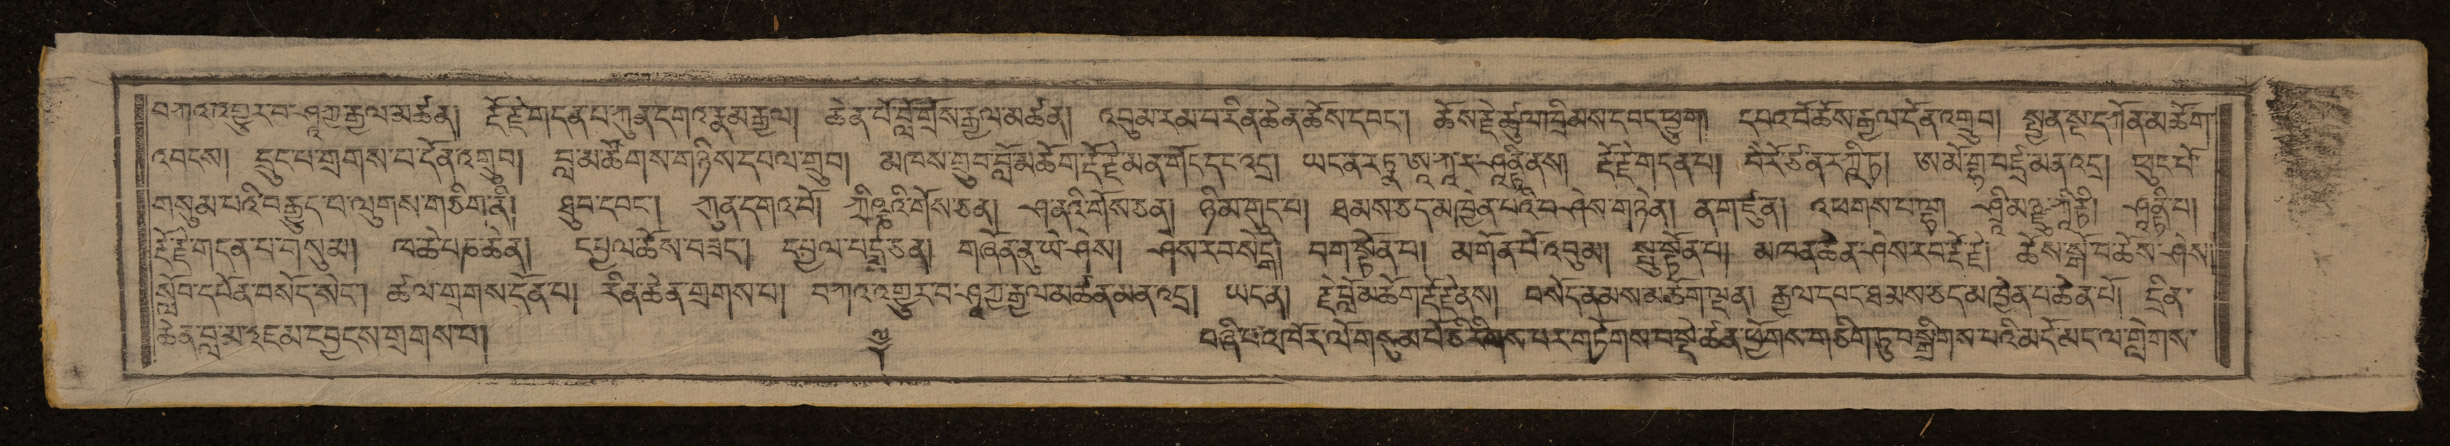བཀའ་འགྱུར་བ་ཤཱཀྱ་རྒྱལ་མཚན། རྡོ་རྗེ་གདན་པ་ཀུན་དགའ་རྣམ་རྒྱལ། ཆེན་པོ་བློ་གྲོས་རྒྱལ་མཚན། འབུམ་རམ་པ་རིན་ཆེན་ཆོས་དབང་། ཆོས་རྗེ་ཚུལ་ཁྲིམས་དབང་ཕྱུག། དབའ་བོ་ཆོས་རྒྱལ་དོན་འགྲུབ། སྦྱན་སྔ་དཀོན་མཆོག་
འབངས། དྲུང་བ་གྲགས་པ་དོན་འགྲུབ། བླ་མ་ཚོགས་གཉིས་དཔལ་གྲུབ། མཁས་བྲུབ་བློ་མཆོག་རྡོ་རྗེ་མན་གོང་དང་འདྲ། ཡང་ན་རྟྣ་ཨཱ་ཀཱ་ར་ཤཱ་ནྟི་ནས། རྡོ་རྗེ་གདན་པ། བཻ་རོ་ཙ་ན་ར་ཀཥི་ཏ། ཨ་མོ་གྷ་བཛྲ་མན་འདྲ། ཕུང་པོ་
གསུམ་པའི་བརྒྱུད་པ་ལུགས་གཅིག་ནི། ཐུབ་དབང་། ཀུན་དགའ་བོ། ཀྲི་ཥཎའི་གོས་ཅན། ཤ་ནའི་གོས་ཅན། ཉི་མ་གུང་པ། ཐམས་ཅད་མཁྱེན་པའི་བཤེས་གཉེན། ན་ག་ཛུ་ན། འཕགས་པ་ལྷ། ཤྲའི་མ་ཉྫུ་ཀའི་རྟི། ཤཱ་ནྟི་བ།
རྡོ་རྗེ་གདན་པ་གསུམ། ཁ་ཆེ་པཎ་ཆེན། དཔྱལ་ཆོས་བཟང་། དཔྱལ་པདམ་ཅན། གཞོན་ནུ་ཡེ་ཤེས། ཤེས་རབ་སེངྒེ། བག་སྟོན་པ། མགོན་པོ་འབུམ། སྤུ་སྟོན་པ། མཁན་ཆེན་ཤེས་རབ་རྡོ་རྗེ། ཆོས་སྒོ་བ་ཆོས་ཤེས་
སློབ་དཔོན་བསོད་སེང་། ཚལ་གྲགས་དོན་པ། རིན་ཆེན་གྲགས་པ། བཀའ་འགྱུར་བ་ཤཱཀྱ་རྒྱལ་མཚན་མན་འདྲ། ཡང་ན། རྗེ་བློ་མཆོག་རྡོ་རྗེ་ནས། བསོད་ནམས་མཆོག་ལྡན། རྒྱལ་དབང་ཐམས་ཅད་མཁྱེན་པ་ཆེན་པོ། དྲིན་
ཆེན་བླ་མ་འཇམ་དབྱངས་གྲགས་པ། ༈ བཞི་བ་འཁོར་ལོ་གསུམ་པོ་ཅི་རིགས་པར་གཏོགས་བསྡེ་ཚན་ཕྱོགས་གཅིག་ཏུ་བསྒྲིགས་པའི་མདོ་མང་ལ་གླེགས་